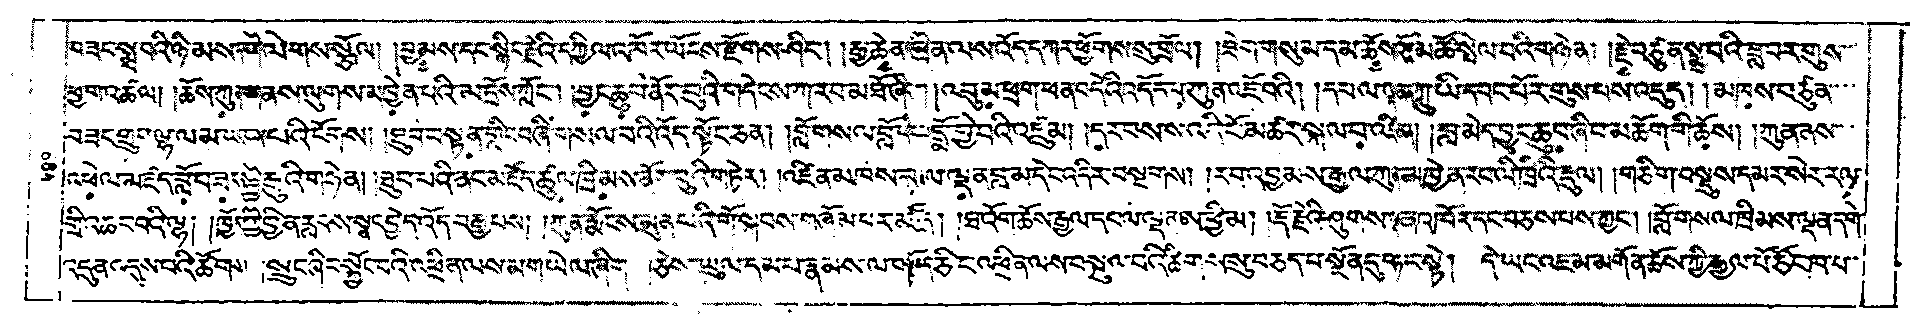བཟང་སྨྲ་བའི་ཉི་མས་དགེ་ལེགས་སྩོལ། །བྱམས྾་དང་སྙིང་རྗེའི་དཀྱིལ་འཁོར་ཡོངས་རྫོགས་ཤིང་། །རྒྱ་ཆེན྾་འཕྲིན་ལས་འོད་དཀར་ཕྱོགས་སུ་གྲོལ། །ཐེག་གསུམ་དམ་ཆོས྾་འོ་མཚོ་སྤེལ་བའི་གཉེན། །རྗེ྾་བཙུན་སྨྲ་བའི་ཟླ་བར་གུས་
ཕྱག་འཚལ། །ཆོས་ཀུན྾་གནས་ལུགས་མཁྱེན྾་པའི་མ་དྲོས་ཀློང་། །བྱང྾་ཆུབ྾་ནོར་བུའི་གདེངས་ཀ་རབ་མཐོ་ཞིང་། །འབུམ྾་ཕྲག་ཕན་བདེའི་འདོད་པ྾་ཀུན་འཇོ་བའི། །དཔལ་ལྡན་ཀླུ་ཡི་དབང་པོར་གུས་པས་འདུད། །མཁས྾་བཙུན་
བཟང་གྲུབ྾་ལྷ་ལམ་ཡངས་པའི་ངོགས། །ཐུབ་བསྟན྾་གླིང་བཞི་གསལ་བའི་འོད་སྟོང་ཅན། །བློ་གསལ་བློ་ཡི་པདམོ་བྱེ་བའི་འཛུམ། །དར྾་བས་ས་འདི་ངོ་མཚར་སྐལ་བ྾་འཛིན། །བླ་མེད་བྱང྾་ཆུབ྾་ཞིབ་མཆོག་གི་ཆོས྾། །ཀུན་ནས་
འཕེལ྾་མཛད་བློ྾་བཟང྾་སྐྱེ་རྒུའི་གཉེན། །ཐུབ་པའི་ནང་མཛོད་ཚུལ྾་ཁྲིམས྾་ནོར་བུའི྾་གཏེར། །འཛིན་མཁས་དཔལ྾་ལྡན྾་བླ་མ་དེང་འདིར་བསྔགས། །རབ་འབྱམས་རྒྱལ་ཀུན་མཁྱེན་རབ་ལི་ཁྲིའི་རྡུལ། །གཅིག་བསུདས་དམར་སེར་རལ་
གྲི་འཆང་བའི་ལྷ། །ཁྱོད་ཀྱི་བྱིན་རླབས་སྣང་བྱེད་འོད་བརྒྱ་པས། །ཀུན་རྨོངས་མུན་པའི་གོ་སྐབས་གཞོམ་པར་མཛོད། །ཐ་འོག་ཆོས་རྒྱལ་དཔལ་ལྡན་ཨ་ཕྱི་མ། །རྡོ་རྗེའི་ཤུགས་ལྡན་འཁོར་དང་བཅས་པས་ཀྱང་། །བློ་གསལ་ཁྲིམས་ལྡན་དགེ་
འདུན་འདུས་པའི་ཚོགས། །སྲུང་ཞིང་སྐྱོང་བའི་འཕྲིན་ལས་མ་གཡེལ་ཞིག །ཅེས་ཡུལ་དམ་པ་རྣམས་ལ་བསྟོད་ཅིང་འཕྲིན་ལས་བསྐུལ་བའི་ཚིགས་སུ་བཅད་པ་སྔོན་དུ་བཏང་སྟེ། དེ་ཡང་འཇམ་མགོན་ཆོས་ཀྱི་རྒྱལ་པོ་ཙོང་ཁ་པ་